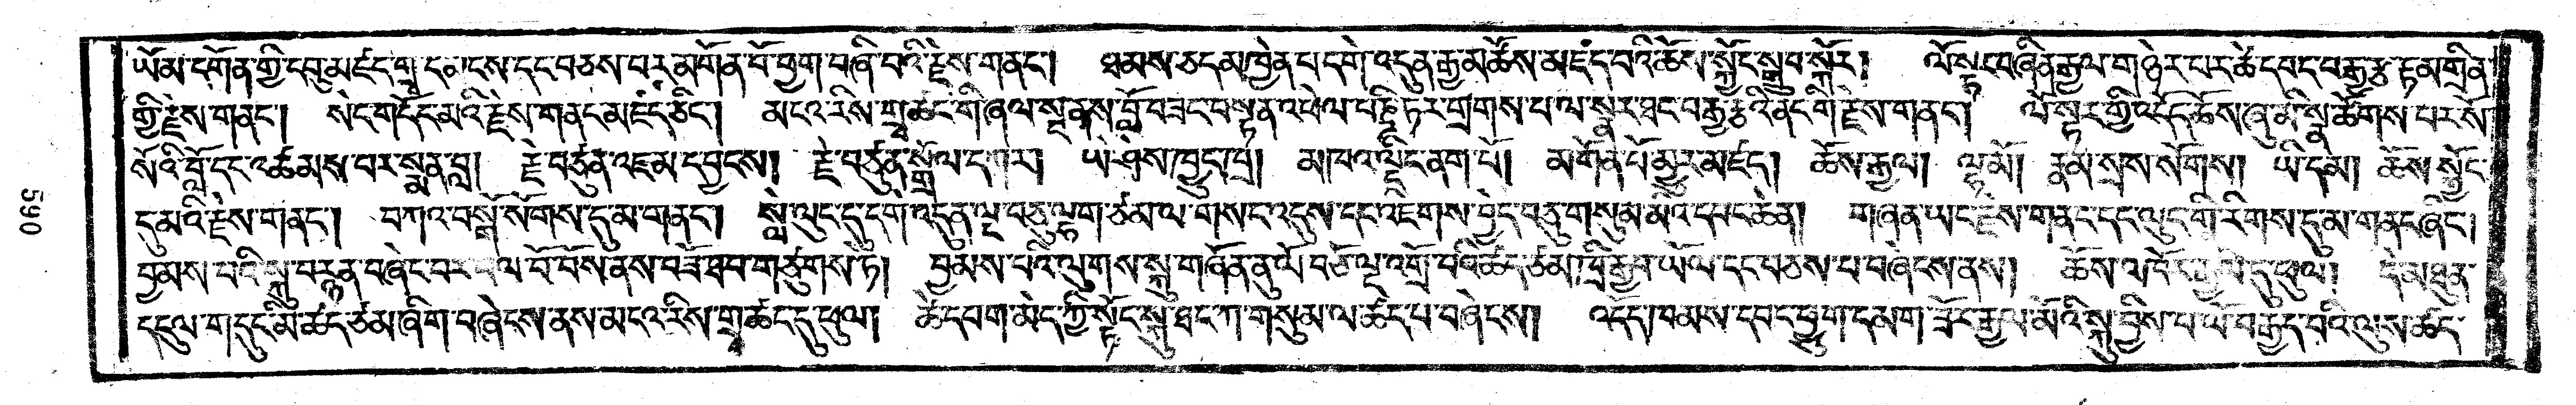ཡོམ་དགོན་གྱི་དབུ་མཛད་གྲྭ་དམངས་དང་བཅས་པར་མགོན་པོ་ཕྱག་བཞི་བའི་རྗེས་གནང་། ཐམས་ཅད་མཁྱེན་པ་དགེ་འདུན་རྒྱ་མཚོས་མཛད་པའི་ཆོས་སྐྱོང་སྒྲུབ་སྐོར། ལོ་སྟར་བཞིན་རྒྱལ་གཉེར་པར་ཚེ་དབང་བརྒྱ་རྩ་རྟ་མགྲིན་
གྱི་རྗེས་གནང་། སེང་གདོང་མའི་རྗེས་གནང་མཛད་ཅིང་། མངའ་རིས་གྲྭ་ཚང་གི་ཞལ་སྔ་ནས་བློ་བཟང་བསྟན་འཕེལ་པཎྜི་ཏར་གྲགས་པ་ལ་སྣར་ཐང་བརྒྱ་རྩའི་ནང་གི་རྗེས་གནང་། ལོ་སྟར་གྱི་འདོད་ཆོས་ཞུ་མི་སྣ་ཚོགས་པར་སོ་
སོའི་བློ་དང་འཚམས་པར་སྨན་བླ། རྗེ་བཙུན་འཇམ་དབྱངས། རྗེ་བཙུན་སྒྲོལ་དཀར། ཡེ་ཤེས་ཁྱུད་ཁྲ། མཁའ་ལྡིང་ནག་པོ། མགོན་པོ་མྱུར་མཛད། ཆོས་རྒྱལ། ལྷ་མོ། རྣམ་སྲས་སོགས། ཡི་དམ། ཆོས་སྐྱོང་
དུ་མའི་རྗེས་གནང་། བཀའ་བསྒོ་སོགས་དུ་མ་གནང་། སླེ་ལུང་དུ་དགེ་འདུན་ལྔ་བཅུ་ལྷག་ཙམ་ལ་གསང་འདུས་དང་འཇིགས་བྱེད་བཅུ་གསུམ་མའི་དབང་ཆེན། གཞན་ཡང་རྗེས་གནང་དང་ལུང་གི་རིགས་དུ་མ་གནང་ཞིང་།
བྱམས་པའི་སྐུ་བརྙན་བཞེང་བར་བལ་བོ་བོས་ནས་བཟོ་ཐབ་གཙུགས་ཏེ། བྱམས་པའི་ལུགས་སྐུ་གཞོན་ནུ་ལོ་བཅོ་ལྔ་འགྲོ་བའི་ཚད་ཙམ་ཁྲི་རྒྱབ་ཡོལ་དང་བཅས་པ་བཞེངས་ནས། ཆོས་འཁོར་རྒྱལ་དུ་ཕུལ། དེ་མཐུན་
དངུལ་གདུང་མི་ཚད་ཙམ་ཞིག་བཞེངས་ནས་མངའ་རིས་གྲྭ་ཚང་དུ་ཕུལ། ཚེ་དཔག་མེད་ཀྱི་སྟོང་སྐུ་ཐང་ཀ་གསུམ་ལ་ཚད་པ་བཞེངས། འདོད་ཁམས་དབང་ཕྱུག་དམག་ཟོར་རྒྱལ་མོའི་སྐུ་བྱིས་པ་ལོ་བརྒྱད་བའི་ལུས་ཚད་